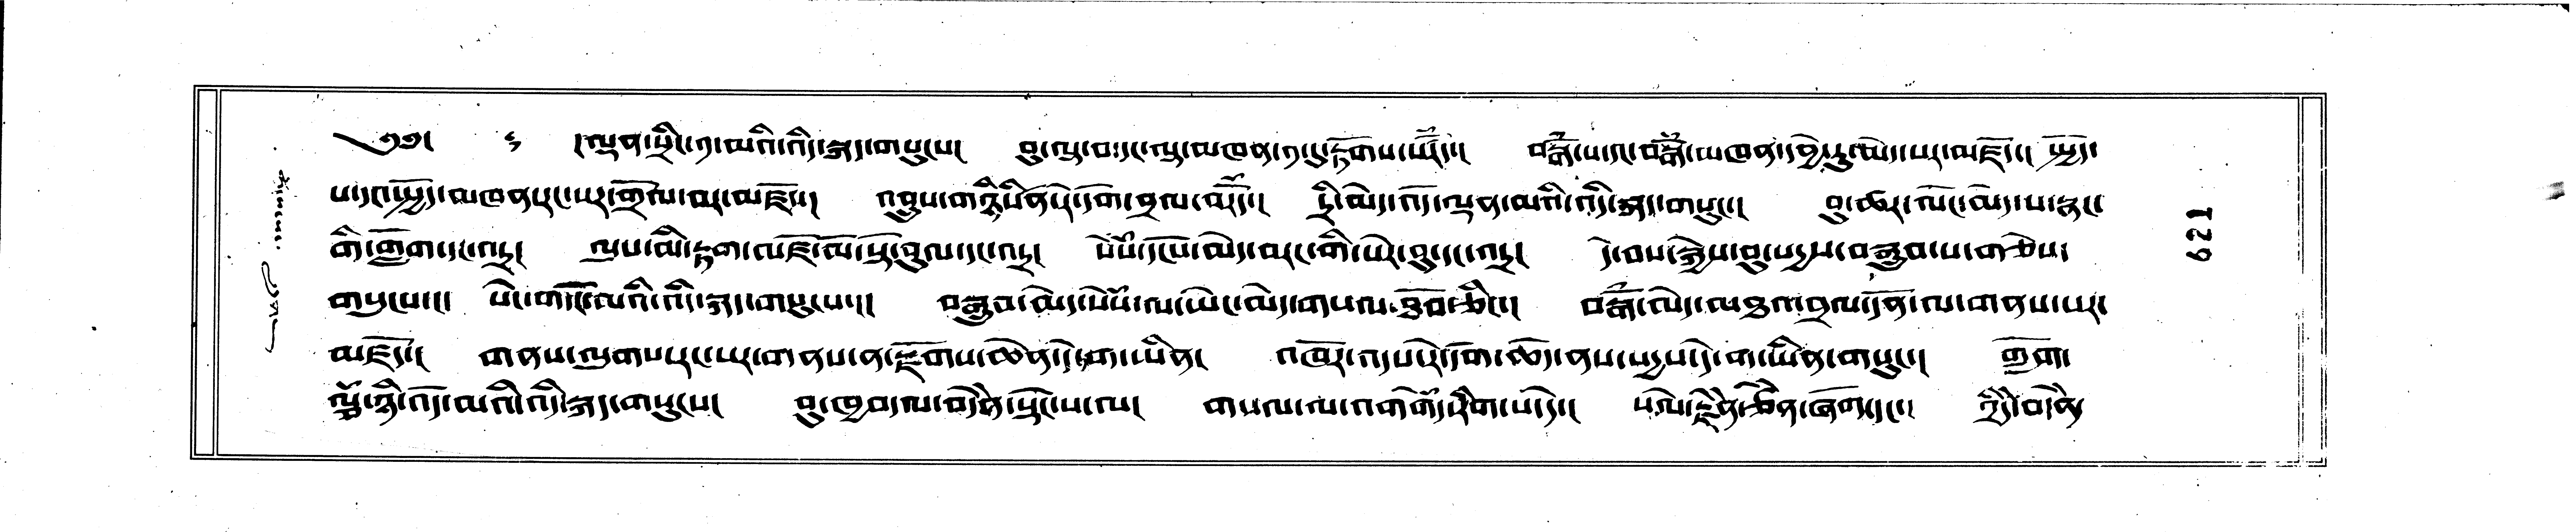ལྡན་སྲིང་གཅིག་མས་འདི་སྐད་གསུངས། བུ་ལྟ་བ་དང་ལྟ་མཁན་གཅིག་དུ་རྟོགས་པར་མཛོད། སྒོམ་པ་དང་སྒོམ་མཁན་ལ་དབྱེ་རུ་མེད་པར་མཛོད། སྤྱོད་
པ་དང་སྤྱོད་མཁན་རང་སར་གྲོལ་བར་མཛོད། འབྲས་བུ་གཉིས་འཛིན་རེ་དོག་བྲལ་བར་མཛོད་གསུངས། དྲི་མེད་འོད་ལྡན་མས་འདི་སྐད་གསུངས། བུ་ཚེ་ལ་ལོང་མེད་བར་སྣང་
གློག་དང་འདྲ། ལུས་མི་རྟག་མཛོ་མོའི་རྟོལ་བུ་འདྲ། སེམས་དངོས་མེད་བར་སྣང་གི་སེར་བུ་དང་འདྲ། དེ་བས་སྐྱེས་བུ་སངས་རྒྱས་སྒྲུབ་པ་གཅེས་གསུངས། སེང་གདོང་མས་འདི་སྐད་གསུངས། 
མཛོད། གནས་ལུགས་རང་སར་གནས་ན་རྫོགས་ཆེན་དེ་ཀ་ཡིན། འཁོར་འདས་རེ་དོག་ཆོད་ན་སངས་རྒྱས་དེ་ཀ་ཡིན་གསུངས། བློག་
ལྕམ་ཉི་འོད་མས་འདི་སྐད་གསུངས། བུ་ཁྱབ་བདལ་བདེ་ཆེན་སྟོང་པ་ལ། གསལ་ལ་གྷག་(འགག)་མེད་རིག་པ་དེ། སལེ་རྗེན་ནེ་ཙེན་ནེ་ཞོགས། གཉིས་མེད་བདེ་ཆེན་